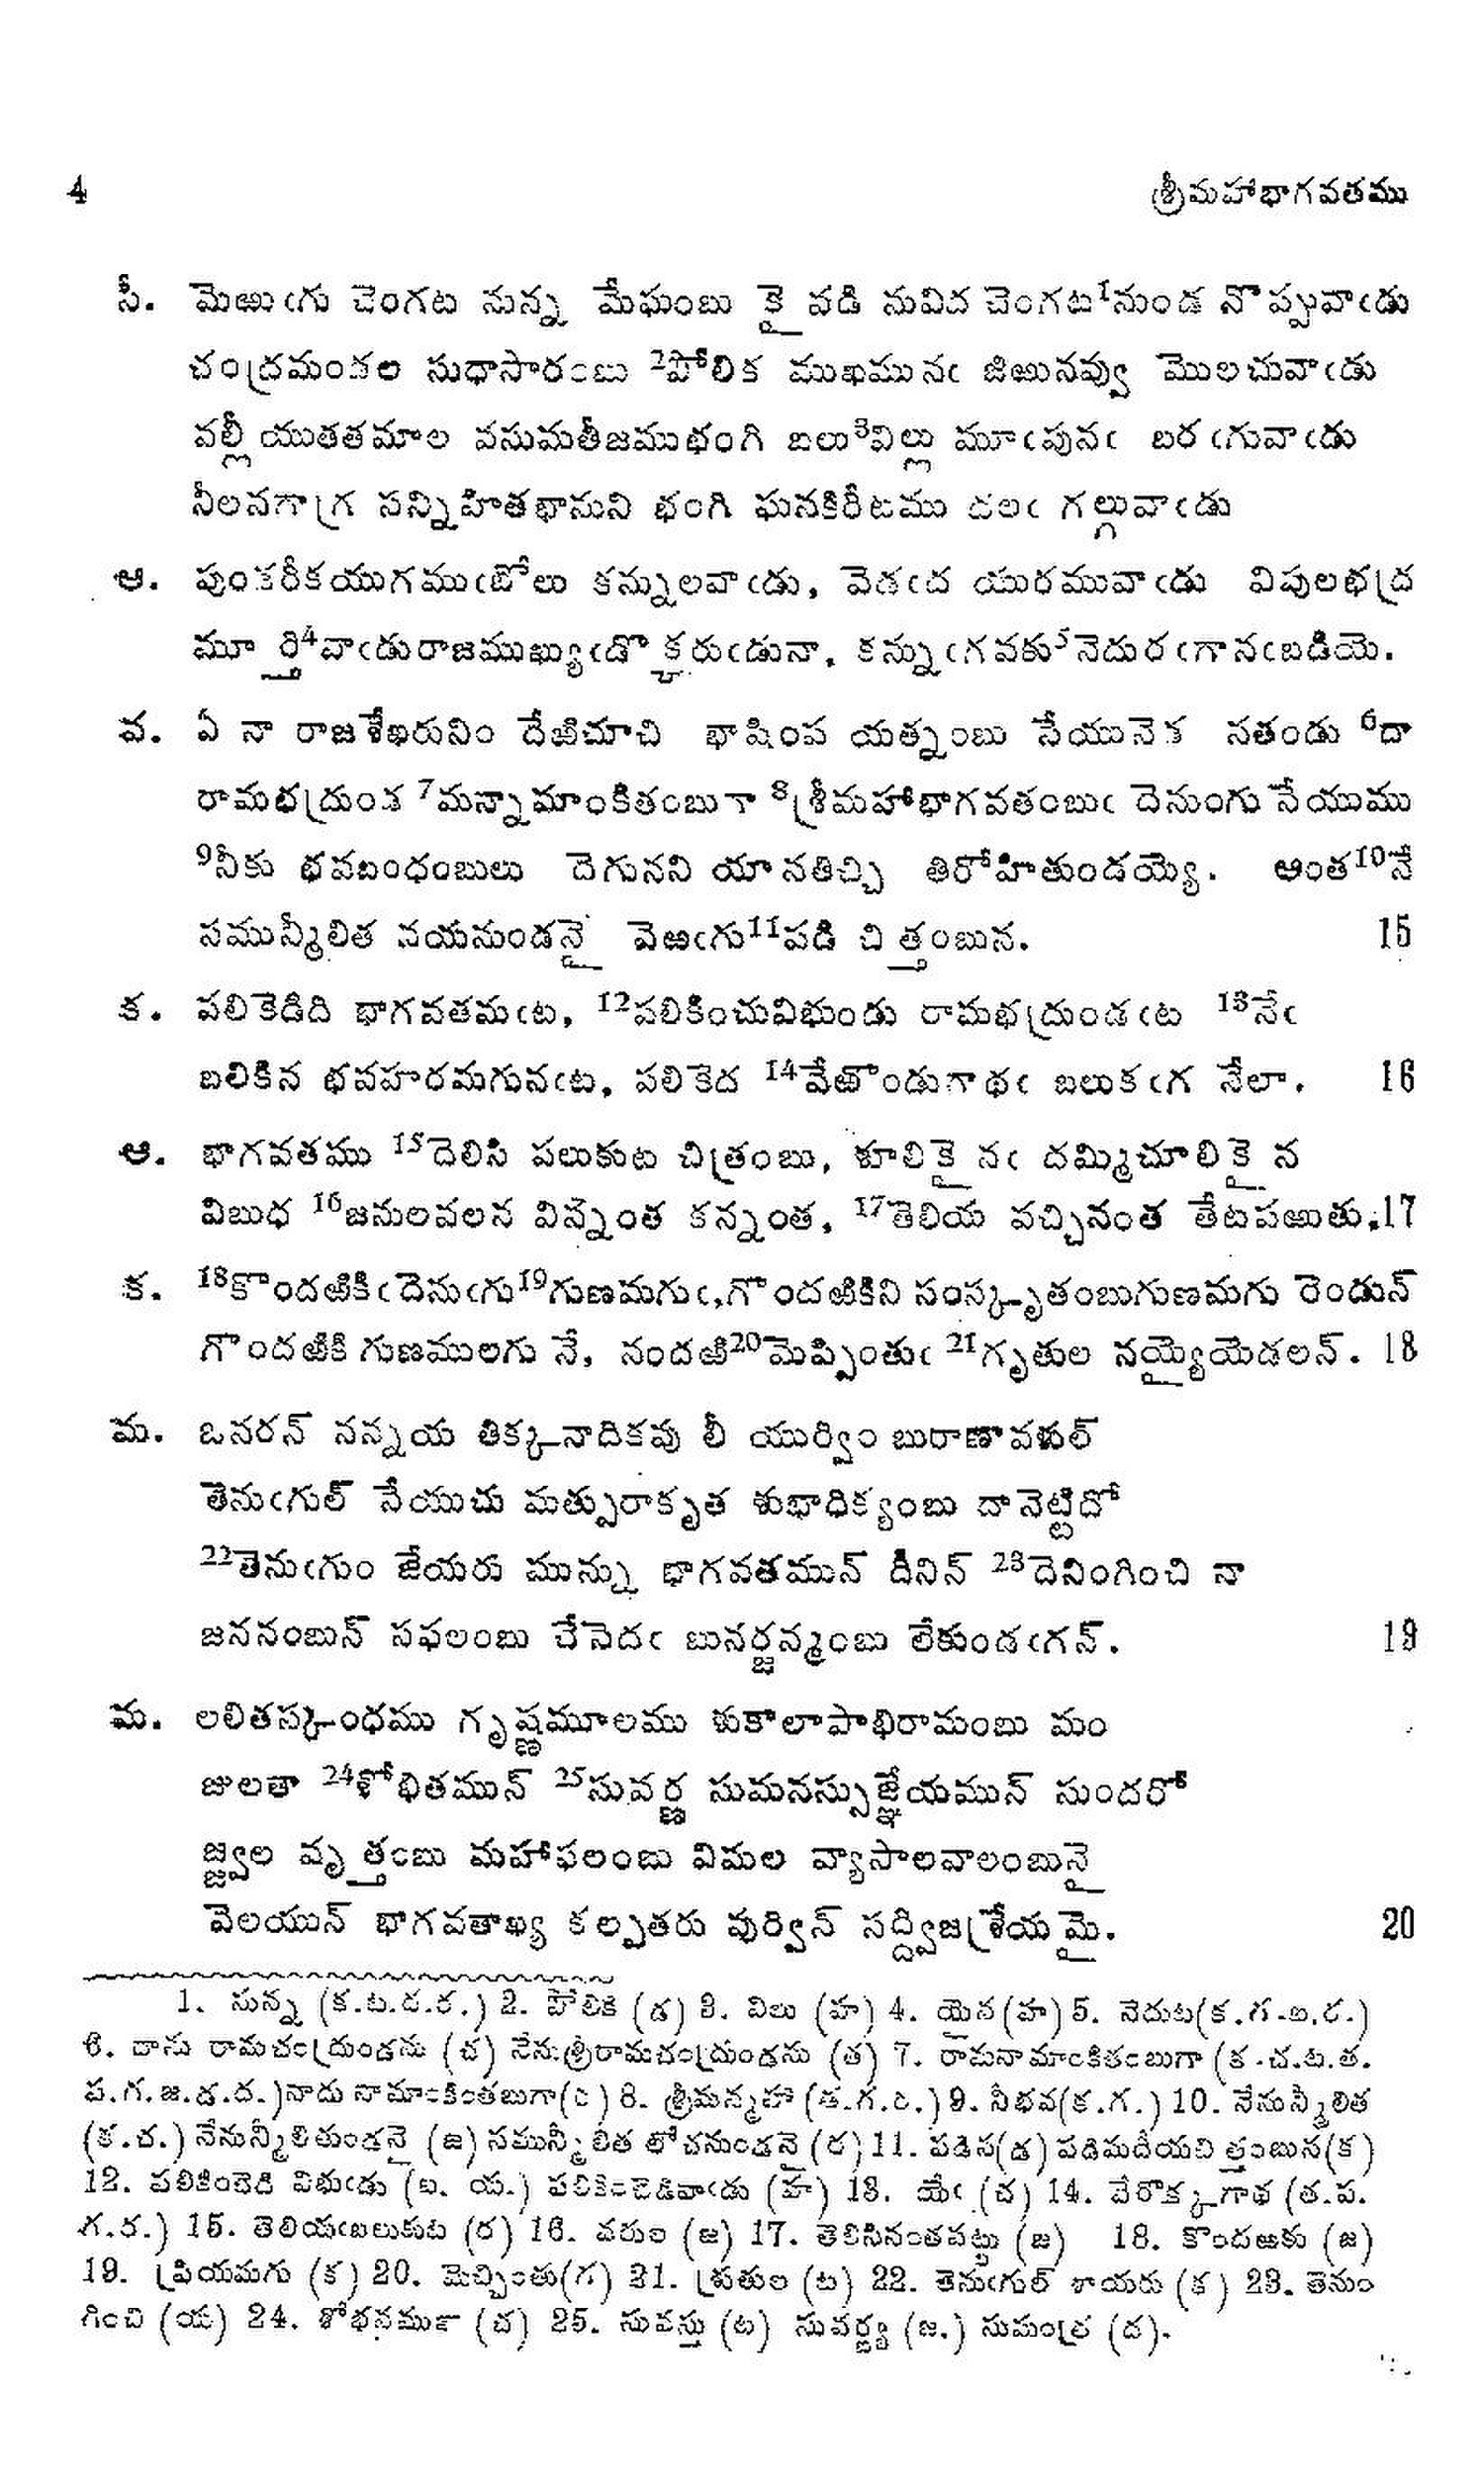4

సీ. మెఱుఁగు చెంగట నున్న మేఘంబు కైవడి, నువిద చెంగట నుండ నొప్పువాఁడు

చంద్రమండల సుధాసారంబు పోలిక, ముఖమునఁ జిఱునవ్వు మొలచువాఁడు

వల్లీయుత తమాల వసుమతీజము భంగిఁ , బలువిల్లు మూఁపునఁ బరఁగువాఁడు

నీల నగాగ్ర సన్నిహిత భానుని భంగి, ఘన కిరీటము తలఁ గల్గువాఁడు

ఆ.వె. పుండరీక యుగముఁ బోలు కన్నులవాఁడు, వెడఁద యురమువాఁడు విపుల భద్ర

మూర్తివాఁడు రాజముఖ్యుఁ డొక్కరుఁడు నా, కన్నుఁగవకు నెదురఁ గానఁబడియె.(1-14)

వ. ఏ నా రాజశేఖరుం దేఱిచూచి భాషింప యత్నంబు సేయు నెడ నతండు దా "రామభద్రుండ, మన్నామాంకితంబుగా శ్రీమహాభాగవతంబుఁ దెనుంగు సేయుము, నీకు భవబంధంబులు తెగు"నని యానతిచ్చి తిరోహితుండయ్యె. అంత నేను సమున్మీలిత నయనుండనై వెఱగువడి చిత్తంబున,(1-15)

కం. పలికెడిది భాగవతమట, పలికించెడివాఁడు రామభద్రుండఁట నేఁ ,
 
బలికిన భవహరమగు నఁట, పలికెద వేఱొండు గాథఁ బలుకఁగ నేలా. (1-16)

ఆ.వె. భాగవతముఁ దెలిసి పలుకుట చిత్రంబు, శూలికైనఁ దమ్మిచూలికైన

విబుధజనుల వలన విన్నంత కన్నంత, తెలియవచ్చినంత తేఁటపఱతు. (1-17)

కం. కొందఱికిఁ దెనుఁగు గుణమగుఁ , గొందఱికిని సంస్కృతంబు గుణమగు రెండున్

గొందఱికి గుణములగు నే, నందఱి మెప్పింతుఁ గృతుల నయ్యై యెడలన్. (1-18)

మ. ఒనఱన్ దిక్కన నన్నయాది కవులీ యుర్విం బురాణావళుల్

తెనుఁగుల్ సేయుచు మత్పురాకృత శుభాధిక్యంబు దానెట్టిదో

తెనుఁగుం జేయరు మున్ను భాగవతమున్, దీనిన్ దెనింగించి నా

జననంబున్ సఫలంబు సేసెదఁ బునర్జన్మంబు లేకుండఁగన్. (1-19)

మ. లలితస్కంధము కృష్ణమూలము శుకాలాపాభిరామంబు మం

జులతాశోభితమున్ సువర్ణ సుమనస్ సుజ్ఞేయమున్ సుందరో

జ్జ్వల వృత్తంబు మహాఫలంబు విమల వ్యాసాలవాలంబునై

వెలయున్ భాగవతాఖ్య కల్పతరు వుర్విన్ సద్ద్విజ శ్రేయమై. (1-20)